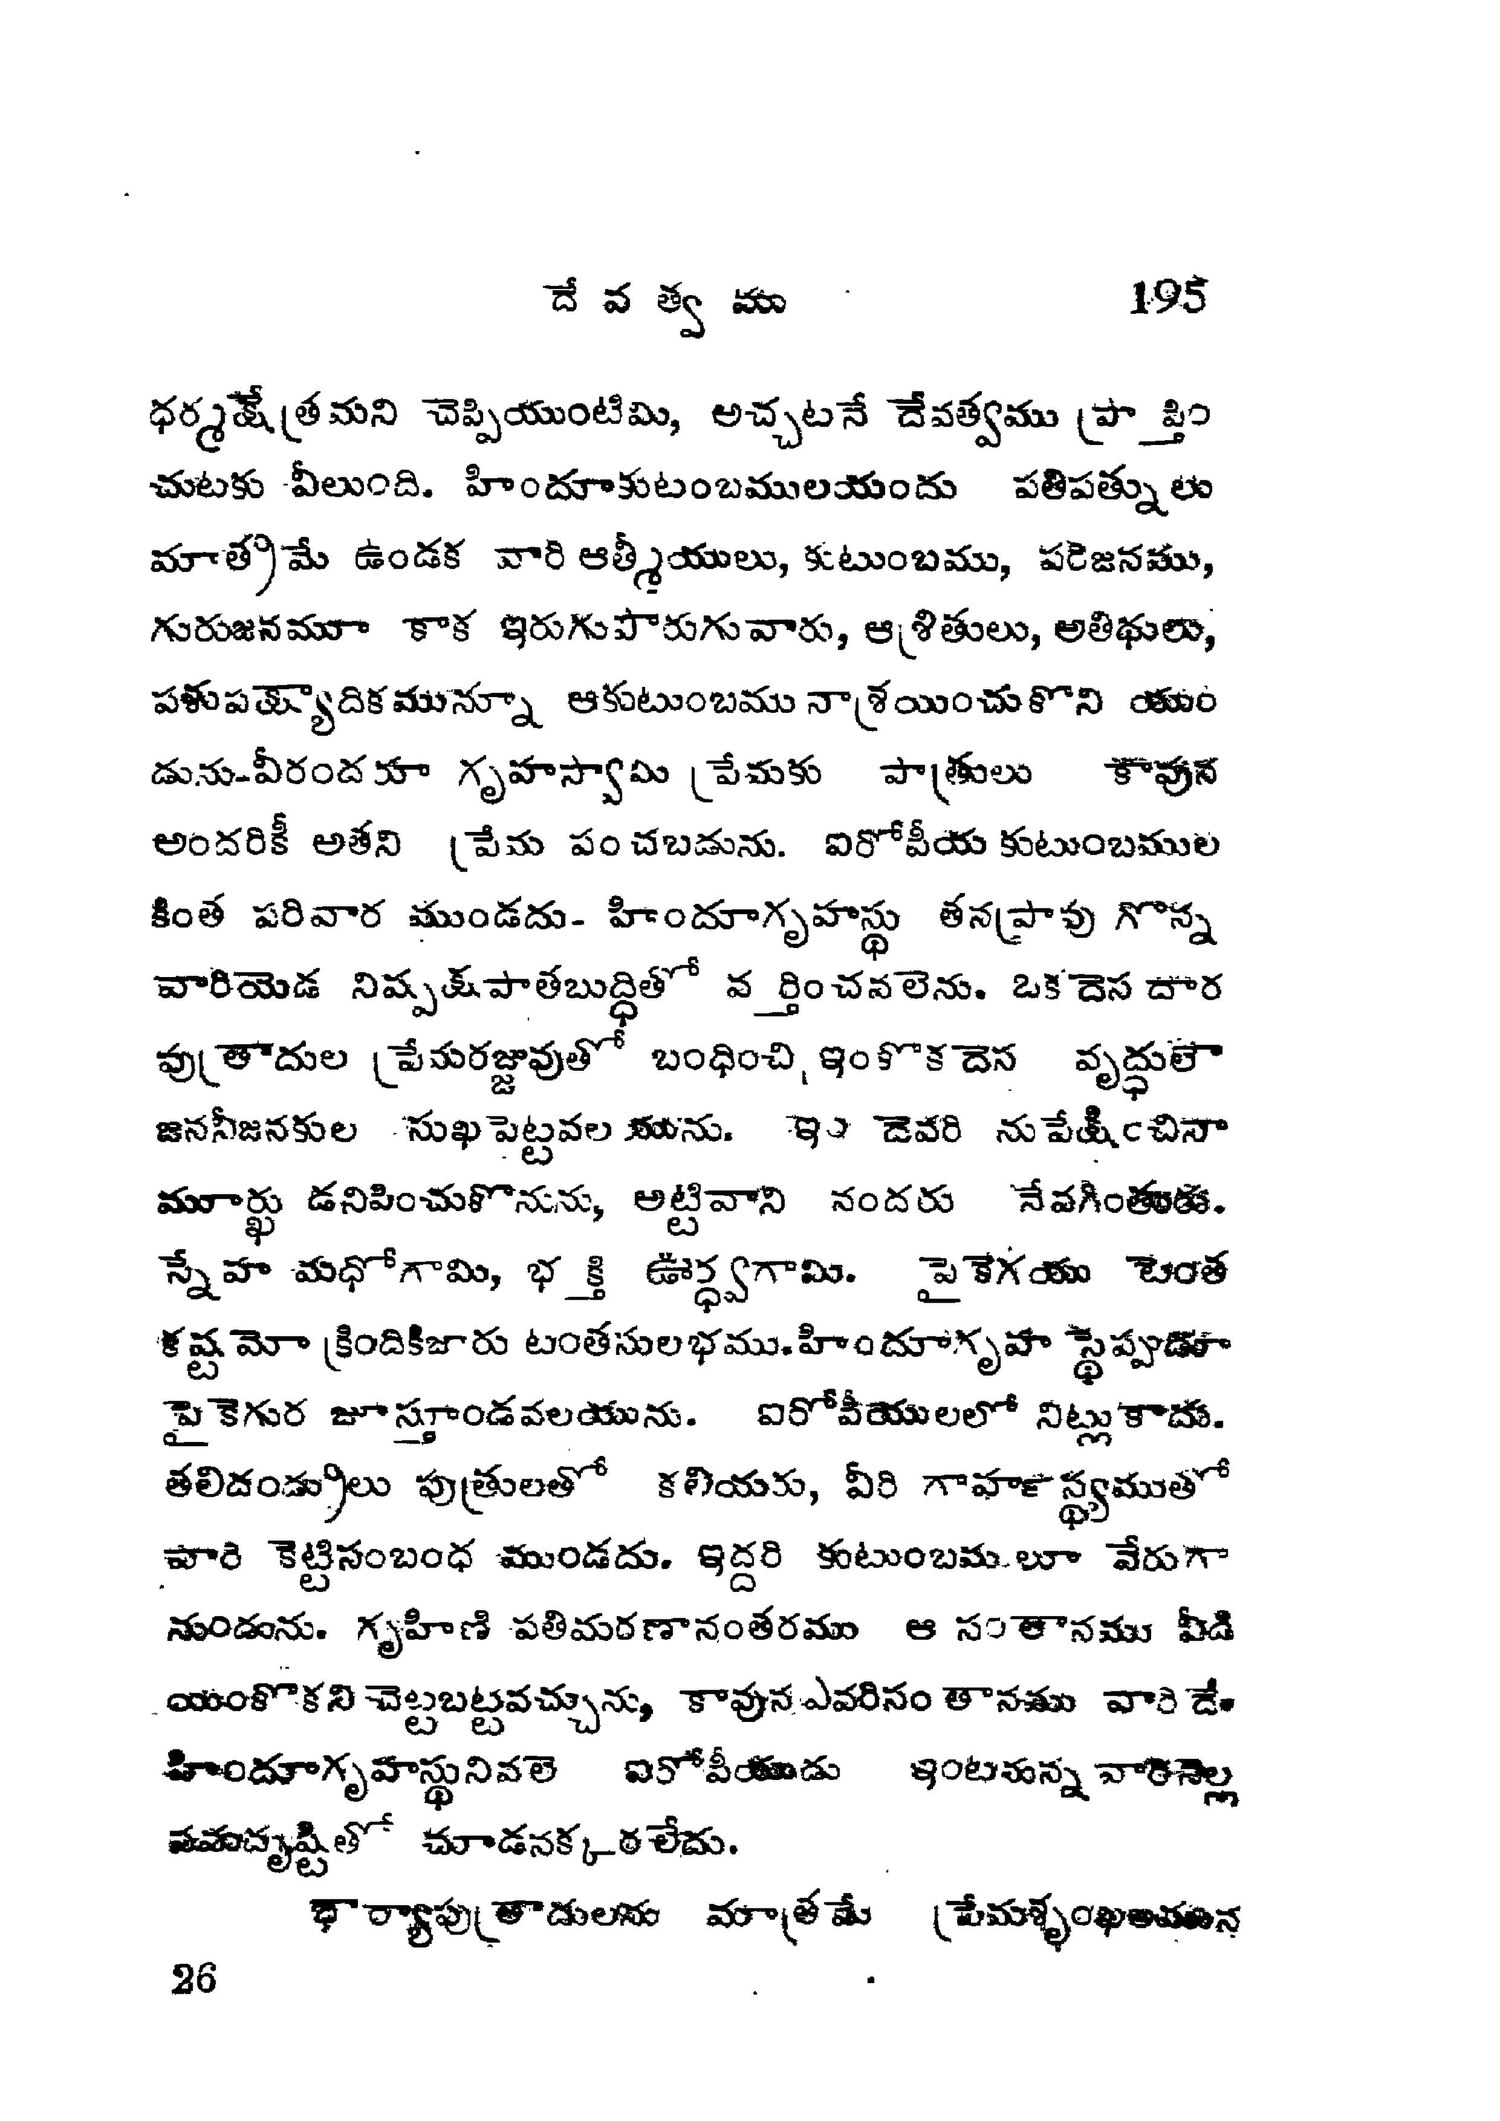ధర్మక్షేత్రమని చెప్పియుంటిమి, అచ్చటనే దేవత్వము ప్రాప్తించుటకు వీలుంది. హిందూకుటంబములయందు పతిపత్నులు మాత్రమే ఉండక వారి ఆత్మీయులు, కుటుంబము, పరిజనము, గురుజనమూ కాక ఇరుగుపొరుగువారు, ఆశ్రితులు, అతిథులు, పశుపక్ష్యాదికమున్నూ ఆకుటుంబము నాశ్రయించుకొని యుండును - వీరందరూ గృహస్వామి ప్రేమకు పాత్రులు కావున అందరికీ అతని ప్రేమ పంచబడును. ఐరోపీయ కుటుంబముల కింత పరివార ముండదు - హిందూగృహస్థు తనప్రాపు గొన్నవారియెడ నిష్పక్షపాతబుద్ధితో వర్తించవలెను. ఒకదెస దారపుత్రాదుల ప్రేమరజ్జువుతో బంధించి ఇంకొకదెస వృద్ధులౌ జననీజనకుల సుఖపెట్టవలయును. ఇం దెవరి నుపేక్షించినా మూర్ఖు డనిపించుకొనును, అట్టివాని నందరు నేవగింతురు. స్నేహ మధోగామి, భక్తి ఊర్ధ్వగామి. పైకెగయు టెంత కష్టమో క్రిందికిజారు టంతసులభము. హిందూగృహ స్థెప్పుడూ పైకెగుర జూస్తూండవలయును. ఐరోపీయులలో నిట్లుకాదు. తలిదండ్రులు పుత్రులతో కలియరు, వీరి గాహన్‌స్థ్యముతో వారి కెట్టిసంబంధ ముండదు. ఇద్దరి కుటుంబములూ వేరుగా నుండును. గృహిణి పతిమరణానంతరము ఆ సంతానము వీడి యింకొకని చెట్టబట్టవచ్చును, కావున ఎవరిసంతానము వారిదే. హిందూగృహస్థునివలె ఐరోపీయుడు ఇంటనున్నవారినెల్ల సమదృష్టితో చూడనక్కరలేదు.

భార్యాపుత్రాదులను మాత్రమే ప్రేమశృంఖలమున